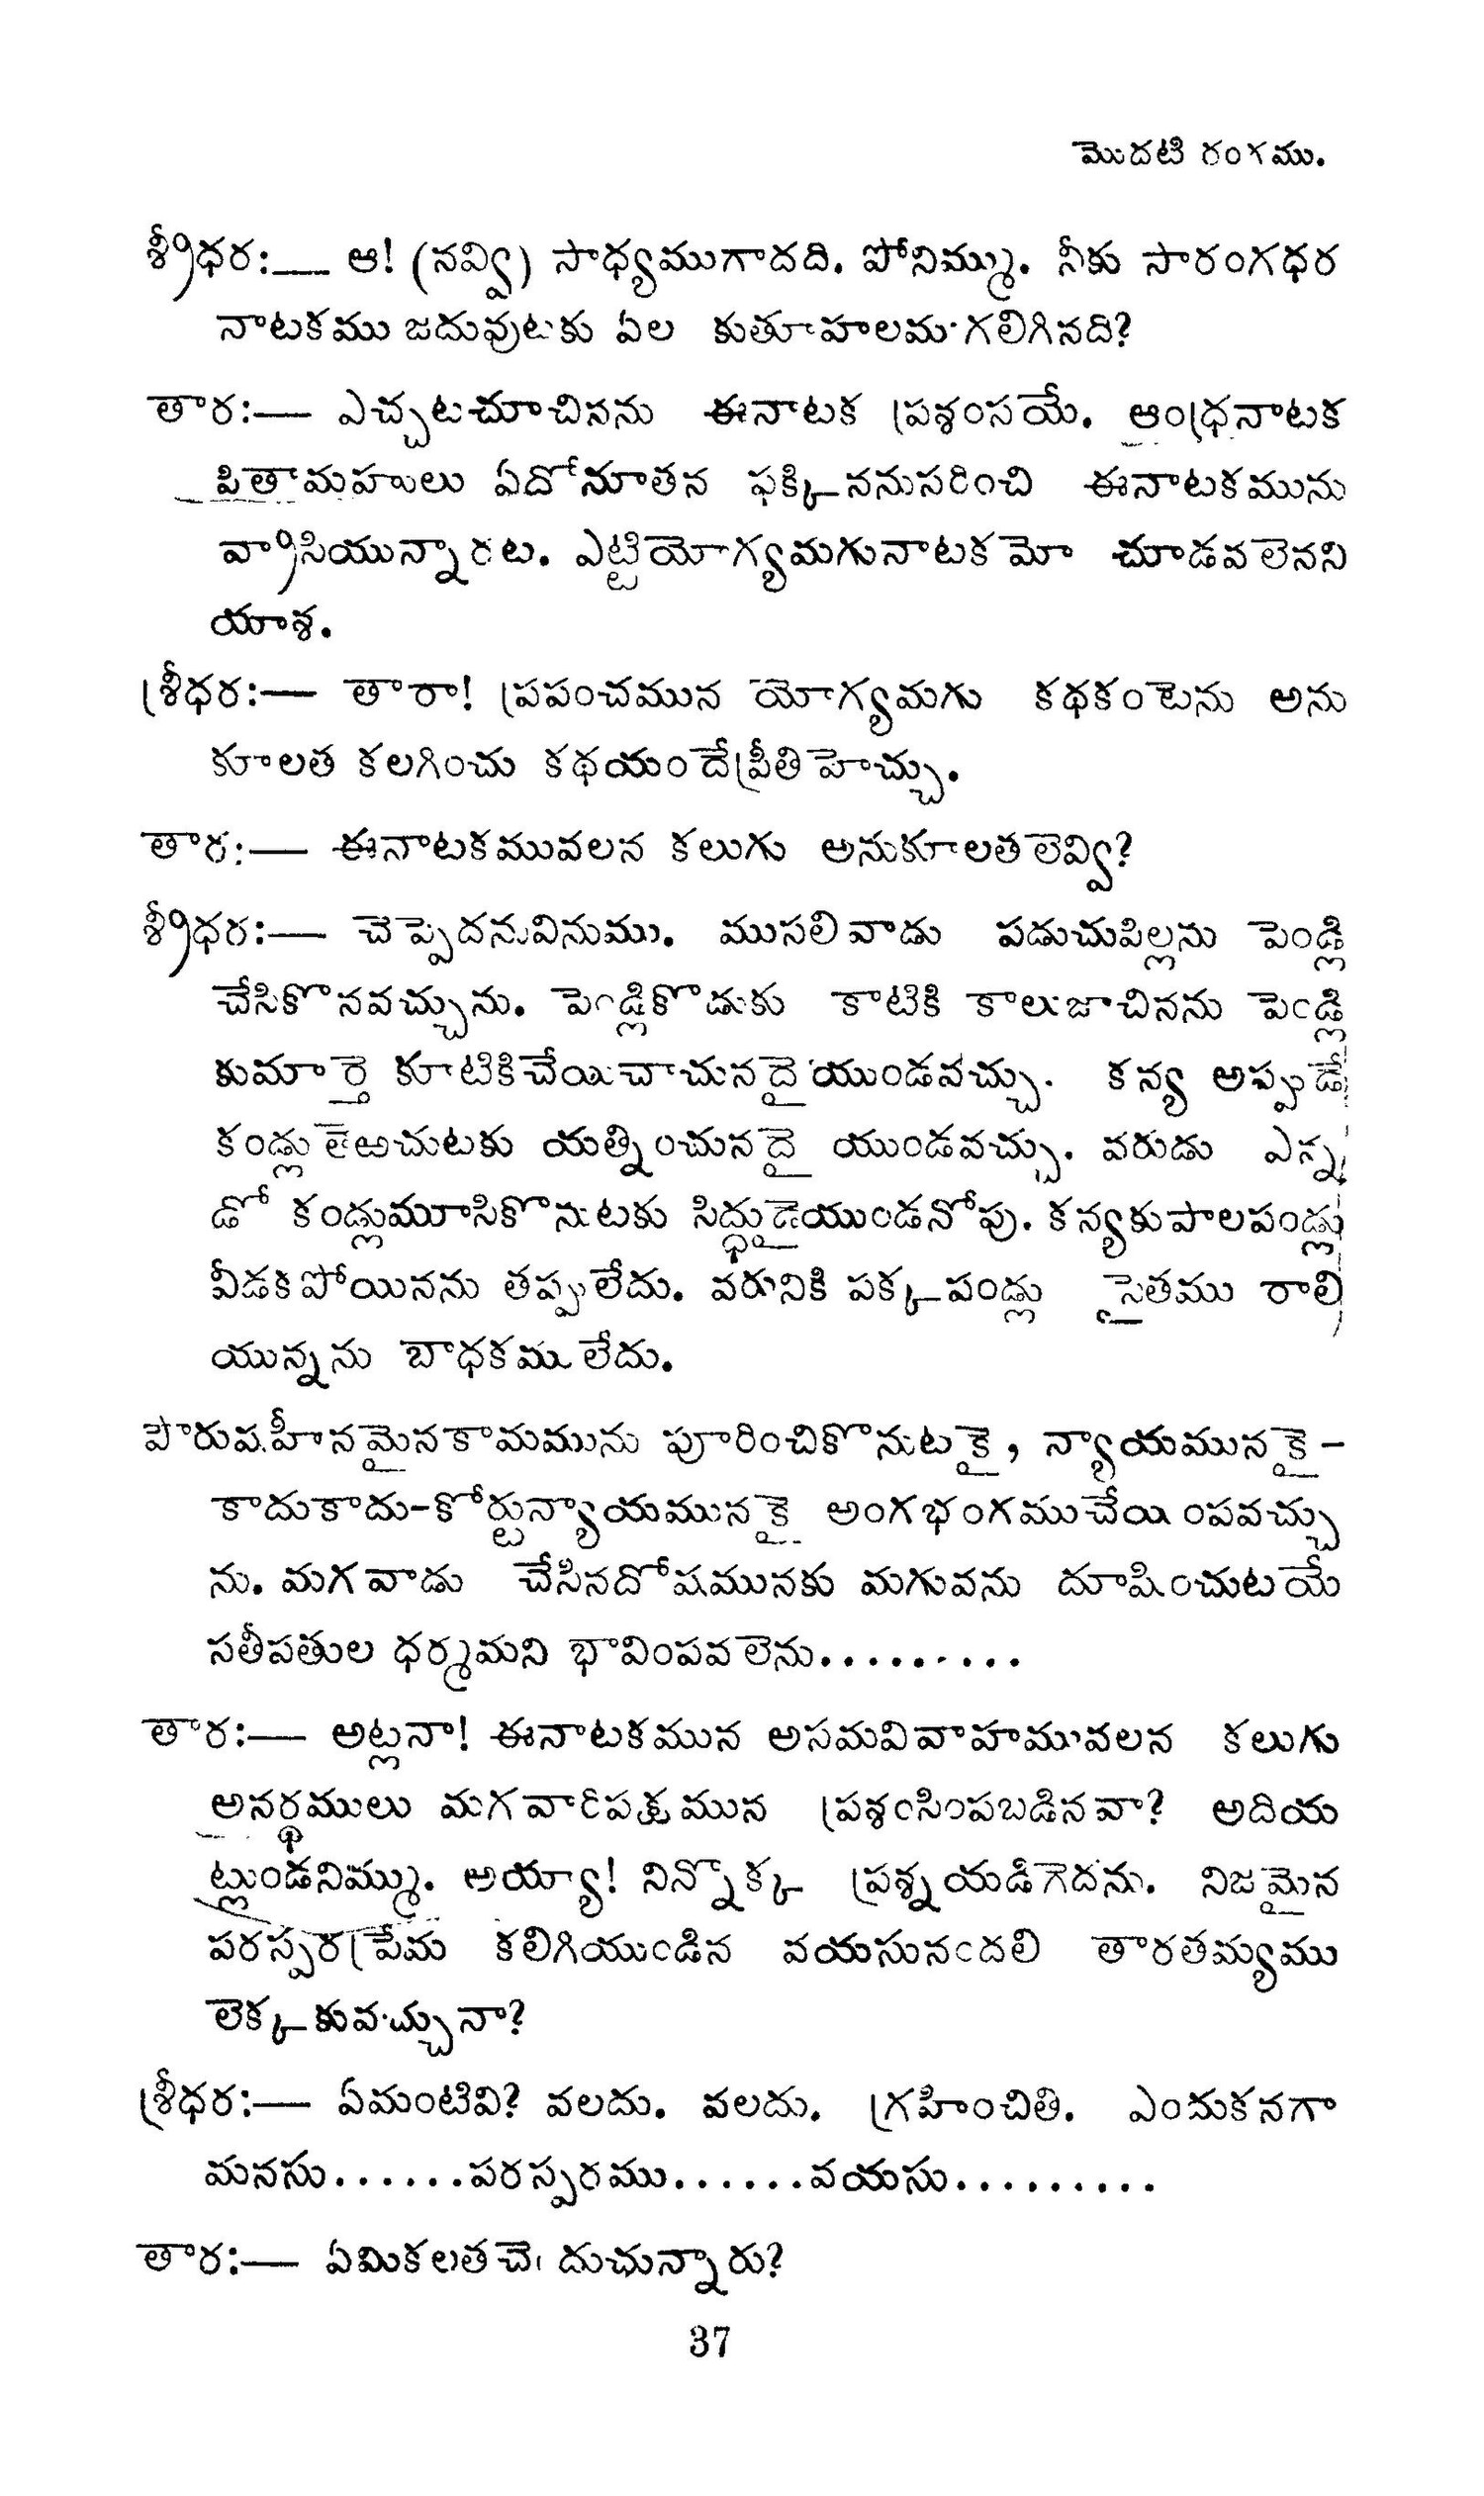.

శ్రీధర:- ఆ! (నవ్వి) సాధ్యముగాదది. పోనిమ్ము. నీకు సారంగధర
నాటకము జదువుటకు ఏల కుతూహలమ గలిగినది?

తార:- ఎచ్చట చూచిసను ఈనాటక ప్రశంసయే. ఆంధ్రనాటక
పితామహులు ఏదోనూతన ఫక్కి ననుసరించి ఈనాటకమును
వాసియున్నారట. ఎట్టియోగ్యమగు నాటకమో చూడవలెననియాశ.

శ్రీధర:- తారా! ప్రపంచమున 'యోగ్యమగు కథకంటెను అను
కూలత కలగించు కథయందే ప్రీతి హెచ్చు.
ఈనాటక మువలన కలుగు అనుకూలత లెవ్వి?

శ్రీధర:- చెప్పెదను వినుము. ముసలి వాడు పడుచుపిల్లను పెండ్లి
చేసికొనవచ్చును. పెండ్లికొడుకు కాటికి కాలు జాచినను పెండ్లి
కుమార్తె కూటికి చేయి చాచున దై' యుండవచ్చు. కన్య అప్పుడే
కండ్లు తెఱచుటకు యత్నించునదై యుండవచ్చు. వరుడు ఎన్న
డో కండ్లుమూసికొనుటకు సిద్ధుడైయుండ నోపు. కన్యకు పాలపండ్లు
వీడక పోయినను తప్పు లేదు. వరునికి పక్క పండ్లు సైతము రాలి
యున్నను 'బాధకము లేదు.

పౌరుప.హీనమైన కామమును పూరించికొనుటకై , న్యాయమున కై-
కాదుకాదు-కోర్టున్యాయమునకై అంగభంగము చేయింపవచ్చు
ను. మగవాడు చేసినదోషమునకు మగువను దూషించుటయే
సతీపతుల ధర్మమని భావింపవలెను. .

తార:- అట్లనా! ఈనాటకమున అసమవివాహము వలన కలుగు
అనర్ధములు మగవారిపశమున ప్రశంసింపబడిన వా? అదియ
ట్లుండనిమ్ము. అయ్యా! నిన్నొక్క ప్రశ్నయడి గెదను. నిజమైన
పరస్పర ప్రేమ కలిగియుండిన వయసు నందలి తారతమ్యము
లెక్కకువచ్చునా?

శ్రీధర:- ఏమంటివి? వలదు. వలదు. గ్రహించితి. ఎందుకనగా
మనసు . . . . . . పరస్పరము . . . . . . వయసు. .

తార:- ఏమికలత చెందుచున్నారు?